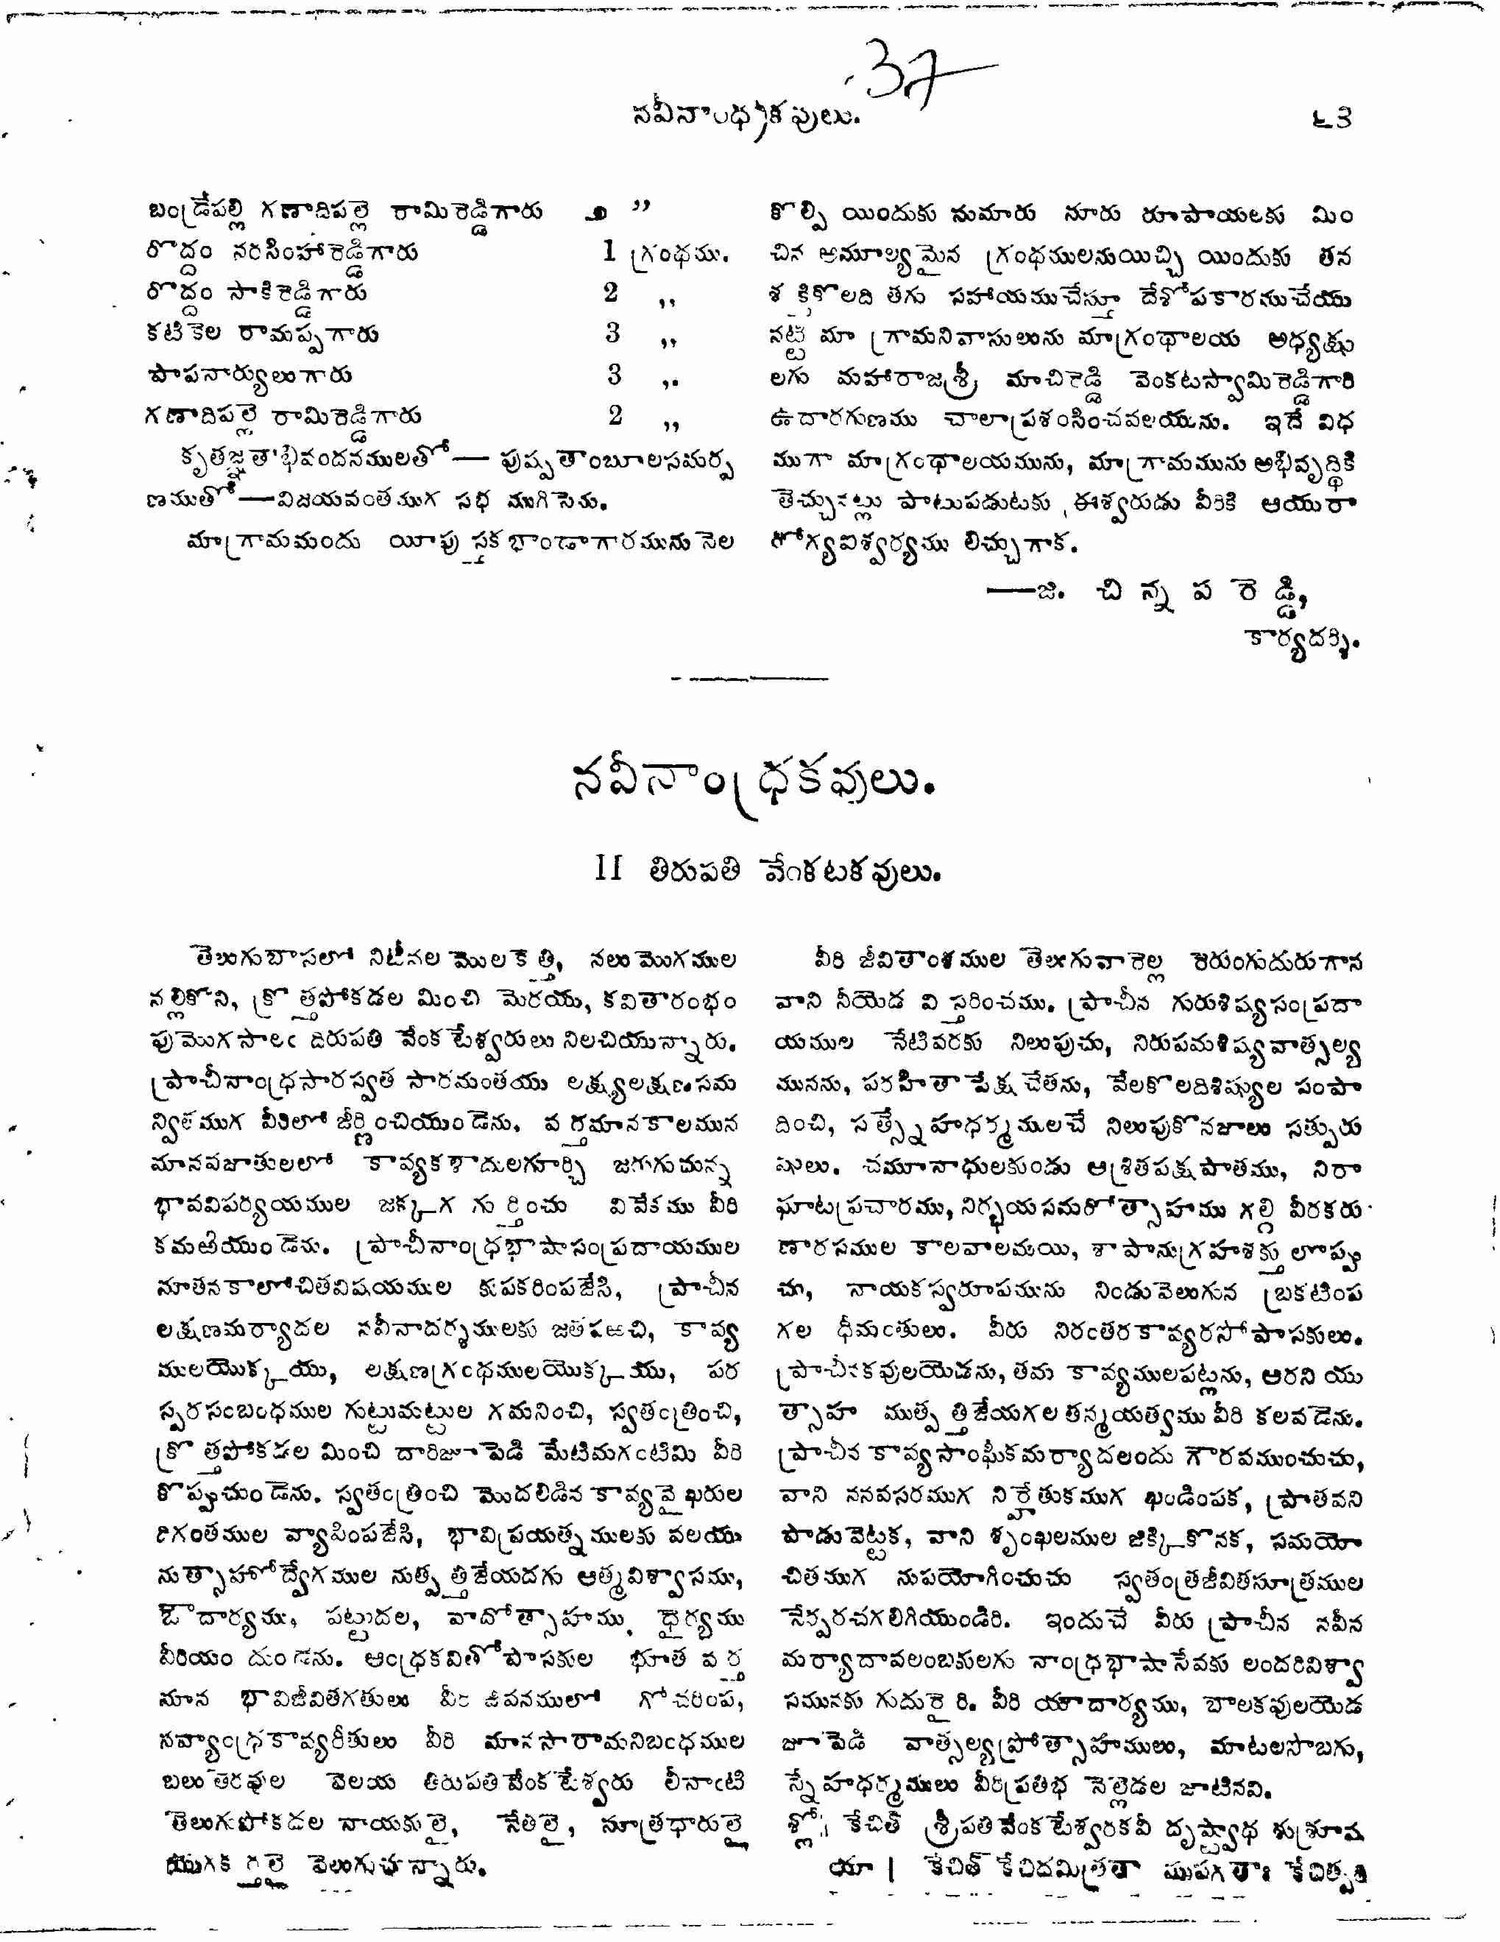కృతజ్ఞతాభివందనములతో — పుష్పతాంబూలసమర్పణముతో — విజయవంతముగ సభ ముగిసెను.

మాగ్రామమందు యీపుస్తక భండాగారమును నెలకొల్పి యిందుకు సుమారు నూరు రూపాయలకు మించిన అమూల్యమైన గ్రంథములను యిచ్చి యిందుకు తన శక్తికొలది తగు సహాయము చేస్తూ దేశోపకారముచేయు నట్టి మా గ్రామనివాసులును మాగ్రంథాలయ 
అధ్యక్షులగు మహారాజశ్రీ మాచిరెడ్డి వెంకటస్వామిడ్డిగారి ఉదారగుణము చాలా ప్రశంసించవలయును. ఇదే విధముగా మా గ్రంథాలయమును, మా గ్రామమును అభివృద్ధికి తెచ్చునట్లు పాటుపడుటకు, ఈశ్వరుడు వీరికి ఆయురారోగ్య ఐశ్వర్యము లిచ్చుగాక.

తెలుగుబాసలో నిటీవల మొలకెత్తి, నలుమొగముల నల్లికొని, క్రొత్తపోకడల మించి మెరయు, కవితారంభంపుమొగసాలఁ దిరుపతి 
వేంకటేశ్వరులు నిలచియున్నారు. ప్రాచీనాంధ్రసారస్వత సారమంతయు లక్ష్యలక్షణ సమన్వితముగ వీరిలో జీర్ణించియుండెను. వర్తమానకాలమున మానవజాతులలో కావ్యకళాదులగూర్చి జరుగుచున్న భావవిపర్యయములు జక్కగ గుర్తించు వివేకము వీరికమఱి యుండెను. ప్రాచీనాంధ్రభాషా సంప్రదాయముల నూతనకాలోవిచితవిషయముల కుపకరింపజేసి, ప్రాచీనలక్షణమర్యాదల నవీనాదర్శములకు జతపఱచి, కావ్యములయొక్కయు, లక్షణగ్రంధముల యొక్కయు, పరస్పర సంబంధముల గుట్టుమట్టుల గమనించి, స్వతంత్రించి, క్రొత్తపోకడల మించి దారిజూపెడి మేటిగంటిమి వీరి కొప్పుచుండెను. స్వతంత్రించి మొదలిడిన కావ్యవైఖరుల దిగంతముల వ్యాపింపజేసి, భావిప్రయత్నములకు వలయు నుత్సాహోద్వేగముల నుత్పత్తిజేయదగు ఆత్మవిశ్వాసము,
ఔదార్యము, పట్టుదల, వాదోత్సాహము, ధైర్యము వీరియందుండెను. ఆంధ్రకవితోపాసకుల భూత వర్తనూన భావిజీవితగతులు వీరి జీవనములో గోచరింపు, నవ్యాంధ్ర కావ్యరీతులు వీరి మానసారామనిబంధముల బలుతెరువుల వెలయ తిరుపతి వేంకటేశ్వరు లీనాఁటి
తెలుగుపోకడల నాయకులై, నేతిలై, సూత్రధారులై యుగకర్తలై వెలుగుతున్నారు.

వీరి జీవితాంశములు తెలుగువారెల్ల పెరుంగుదురు గాన వాని నీయెడ విస్తరించము. ప్రాచీన గురుశిష్యసంప్రదాయముల నేటివరకు నిలుపుచు, నిరుపమశిష్యవాత్సల్యమునను, పరహితాపేక్షచేతను, వేలకొలది శిష్యులు సంపాదించి, సత్స్నేహధర్మములచే నిలుపుకొనజాలు సత్పురుషులు, చమూనాధులకుండు ఆశ్రితపక్షపాతము, నిరాఘూట ప్రచారము, నిర్భయ సమరోత్సాహము గల్గి వీరకరుణారసముల కాలవాలమయి, శాపానుగ్రహశక్తు లొప్పుచు, నాయకస్వరూపమును నిండువెలుగున బ్రకటింప గల ధీమంతులు. వీరు నిరంతర కావ్యరసోపాసకులు. ప్రాచీనకవులయెడను, తమ కావ్యములపట్లను, ఆరనియుత్సాహ ముత్పత్తిజేయగల తన్మయత్వము వీరి కలవడెను. ప్రాచీన కావ్య సాంఘిక మర్యాదలందు గౌరవముంచుచు, వాని ననవసరముగ నిర్హేతుకముగ ఖండింపక, ప్రాతవని
పొడువెట్టక, వాని శృంఖలముల జిక్కికొనక, సమయోచితముగ నుపయోగించుచు స్వతంత్ర జీవితసూత్రముల నేర్పరచగలిగియుండిరి. ఇందుచే వీరు ప్రాచీన నవీన మర్యాదావలంబకులగు నాంధ్రభాషా సేవకు అందరివిశ్వాసమునకు గుదురైరి. వీరి యాదార్యము, 
బాలకవులయెడ జూపెడి వాత్సల్యప్రోత్సాహములు, మాటలసొబగు, స్నేహధర్మములు వీరిప్రతిభ నెల్లెడల జాటినవి.

శ్లో౹ కేచిత్ శ్రీపతి వేంక టేశ్వరకవి దృష్ట్వాధ శుశ్రూష
 యా | కేచిత్ కేచిదమిత్రతా ముపగ తాః కేచిత్పరి